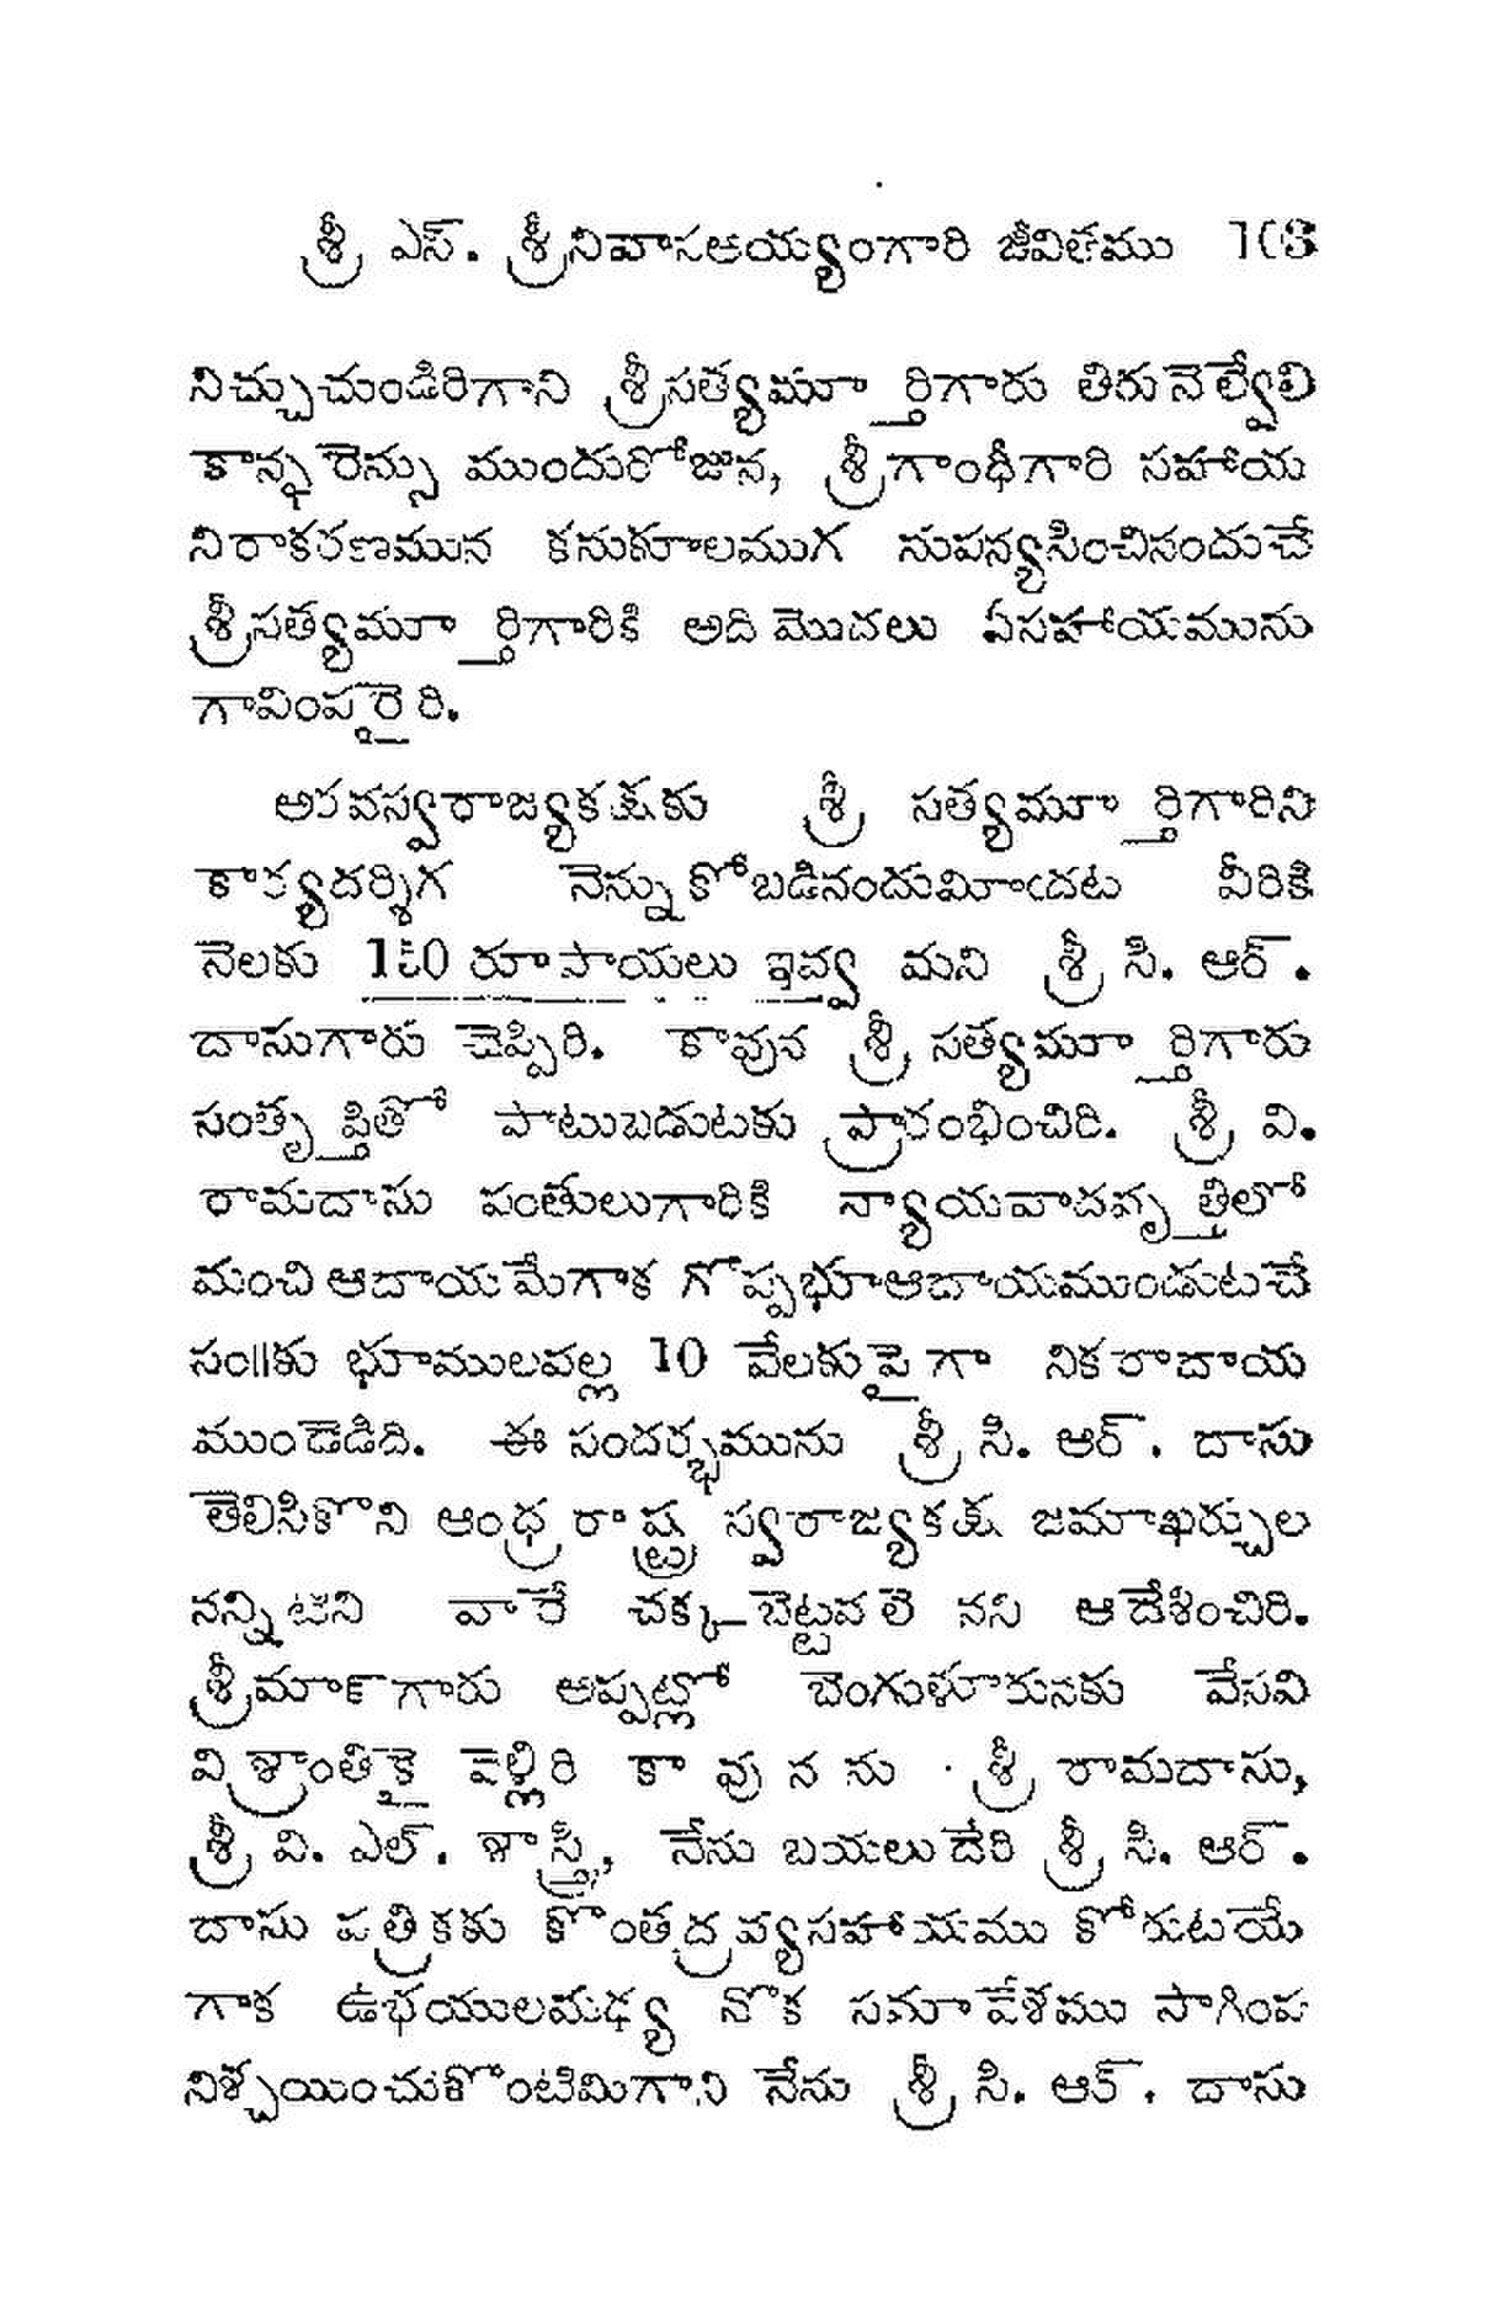నిచ్చుచుండిరిగాని శ్రీసత్యమూర్తిగారు తిరునెల్వేలి కాన్ఫరెన్సు ముందురోజున, శ్రీగాంధీగారి సహాయ నిరాకరణమున కనుకూలముగ సుపన్యసించినందుచే శ్రీసత్యమూర్తిగారికి అదిమొదలు ఏసహాయమును గావింపరైరి.

అరవస్వరాజ్యకక్షకు శ్రీ సత్యమూర్తిగారిని కార్యదర్శిగ నెన్నుకోబడినందుమీఁదట వీరికి
నెలకు 150 రూసాయలు ఇవ్వ మని శ్రీ సి. ఆర్ . దాసుగారు చెప్పిరి. కావున శ్రీసత్యమూర్తిగారు సంతృప్తితో పాటుబడుటకు ప్రారంభించిరి. శ్రీ వి. రామదాసు పంతులుగారికి న్యాయవాదవృత్తిలో మంచి ఆదాయమేగాక గొప్పభూఆదాయముండుటచే సం||కు భూములవల్ల 10 వేలకు పైగా నికరాదాయ ముండెడిది. ఈ సందర్బమును శ్రీ సీ. ఆర్. దాసు తెలిసికొని ఆంధ్ర రాష్ట్ర స్వరాజ్యకక్ష జమాఖర్చుల నన్నిటిని వారే చక్క బెట్టవలె నని ఆదేశించిరి. శ్రీమా౯గారు అప్పట్లో బెంగుళూరుసకు వేసవి విశ్రాంతికై వెళ్లిరి కావునను శ్రీ రామదాసు, శ్రీ వి. ఎల్. శాస్త్రి, నేను బయలుదేరి శ్రీ సి. ఆర్. దాసు పత్రికకు కొంతద్రవ్యసహాయము కోరుటయే గాక ఉభయులమధ్య నొక సమావేశము సాగింప నిశ్చయించుకొంటిమిగాని నేను శ్రీ సి. ఆర్. దాసు